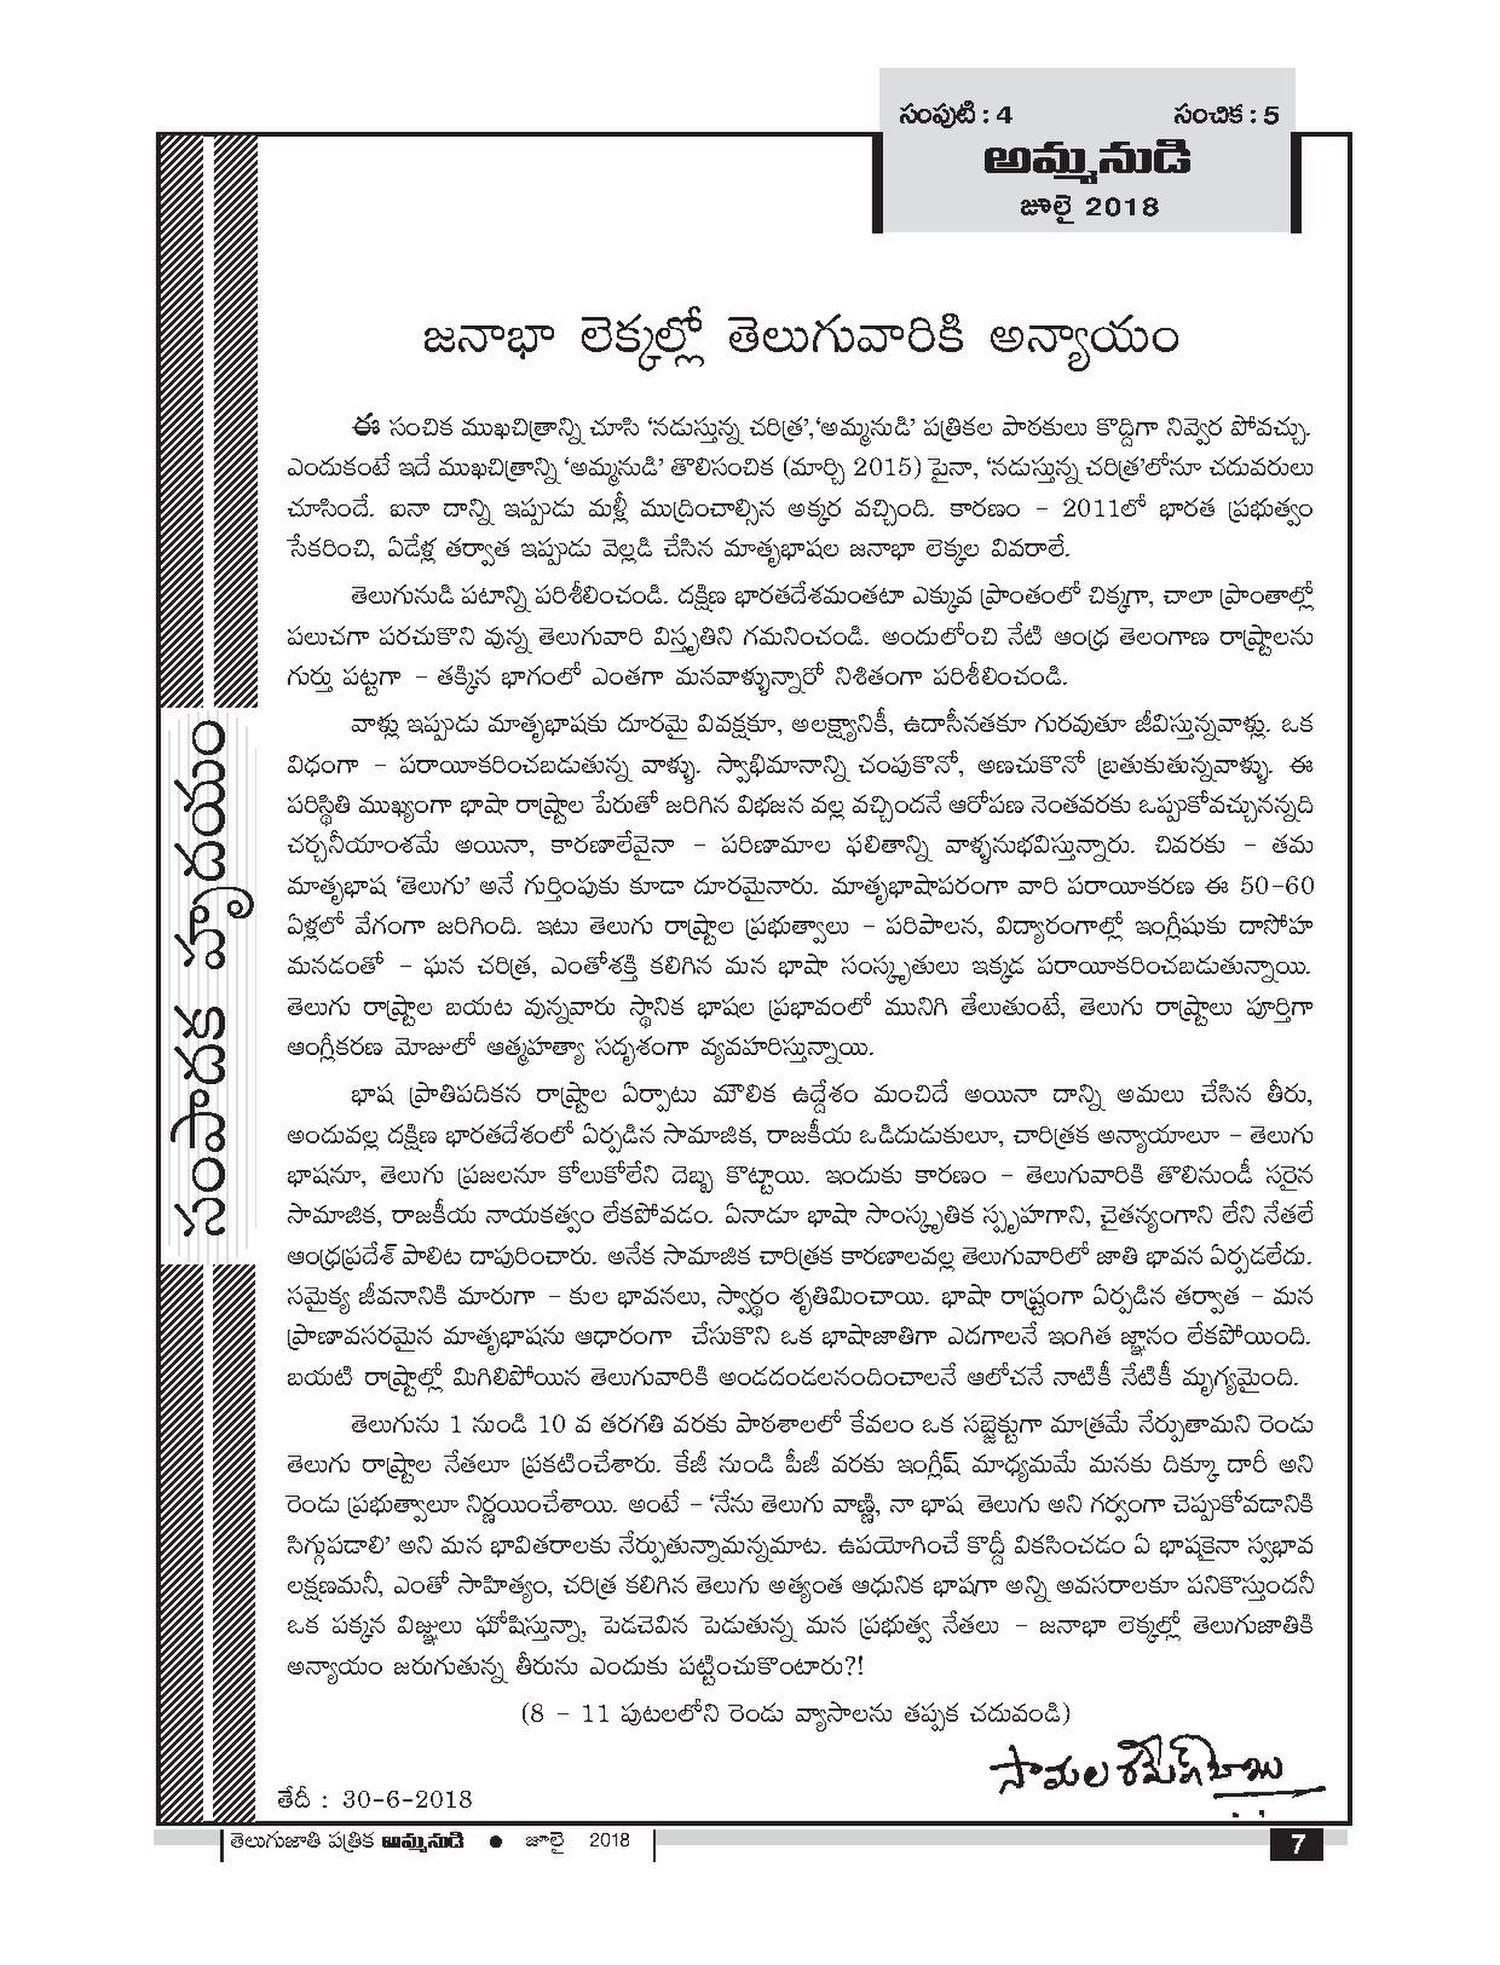సంపాదక హృదయం
జనాభా లెక్కల్లో తెలుగువారికి అన్యాయం
ఈ సంచిక ముఖచిత్రాన్ని చూసి 'నడుస్తున్న చరిత్ర', 'అమ్మనుడి' పత్రికల పాఠకులు కొద్దిగా నివ్వరపోవచ్చు. ఎందుకంటే ఇదే ముఖచిత్రాన్ని 'అమ్మనుడి' తొలిసంచిక (మార్చి 2015)పైనా, 'నడుస్తున్న చరిత్ర'లోనూ చదువరులు చూసిందే. ఐనా దాన్ని ఇప్పుడు మళ్లీ ముద్రించాల్సిన అక్కర వచ్చింది. కారణం - 2011లో భారత ప్రభుత్వం సేకరించి, ఏడేళ్ల తర్వాత ఇప్పుడు వెల్లడి చేసిన మాతృభాషల జనాభా లెక్కల వివరాలే.

తెలుగునుడి పటాన్ని పరిశీలించండి. దక్షిణ భారతదేశమంతటా ఎక్కువ ప్రాంతంలో చిక్కగా, చాలా ప్రాంతాల్లో పలుచగా పరచుకొని వున్న తెలుగువారి విస్తృతిని గమనించండి. అందులోని నేటి ఆంధ్ర తెలంగాణ రాష్ట్రాలను గుర్తు పట్టగా - తక్కిన భాగంలో ఎంతగా మనవాళ్ళున్నారో నిశితంగా పరిశీలించండి.

వాళ్లు ఇప్పుడు మాతృభాషకు దూరమై, వివక్షకూ, అలక్ష్యానికీ, ఉదాసీనతకూ గురవుతూ జీవిస్తున్నవాళ్లు. ఒక విధంగా - పరాయీకరించబడుతున్న వాళ్ళు. స్వాభిమానాన్ని చంపుకొనో, అణచుకొనో బ్రతుకుతున్నవాళ్ళు. ఈ పరిస్థితి ముఖ్యంగా భాషా రాష్ట్రాల పేరుతో జరిగిన విభజన వల్ల వచ్చిందనే ఆరోపణ నెంతవరకు ఒప్పుకోవచ్చునన్నది చర్చనీయాంశమే అయినా, కారణాలేవైనా - పరిణామాల ఫలితాన్ని వాళ్ళనుభవిస్తున్నారు. చివరకు - తమ మాతృభాష 'తెలుగు' అనే గుర్తింపుకు కూడా దూరమైనారు. మాతృభాషాపరంగా వారి పరాయీకరణ ఈ 50-60 ఏళ్లలో వేగంగా జరిగింది. ఇటు తెలుగు రాష్ట్రాల ప్రభుత్వాలు - పరిపాలన, విద్యారంగాల్లో ఇంగ్లీషుకు దాసోహమనడంతో - ఘన చరిత్ర, ఎంతోశక్తి కలిగిన మన భాషా సంస్కృతులు ఇక్కడ పరాయీకరించబడుతున్నాయి. తెలుగు రాష్ట్రాల బయట వున్నవారు స్థానిక భాషల ప్రభావంలో మునిగి తేలుతుంటే, తెలుగు రాష్ట్రాలు పూర్తిగా ఆంగ్లీకరణ మోజులో ఆత్మహత్యా సదృశంగా వ్యవహరిస్తున్నాయి.

భాష ప్రాతిపదికన రాష్ట్రాల ఏర్పాటు మౌలిక ఉద్దేశం మంచిదే అయినా దాన్ని అమలు చేసిన తీరు, అందువల్ల దక్షిణ భారతదేశంలో ఏర్పడిన సామాజిక, రాజకీయ ఒడిదుడుకులూ, చారిత్రక అన్యాయాలూ - తెలుగు భాషనూ, తెలుగు ప్రజలనూ కోలుకోలేని దెబ్బ కొట్టాయి. ఇందుకు కారణం - తెలుగువారికి తొలినుండీ సరైన సామాజిక, రాజకీయ నాయకత్వం లేకపోవడం. ఏనాడూ భాషా సాంస్కృతిక స్పృహగాని, చైతన్యంగాని లేని నేతలే ఆంధ్రప్రదేశ్ పాలిట దాపురించారు. అనేక సామాజిక చారిత్రక కారణాలవల్ల తెలుగువారిలో జాతి భావన ఏర్పడలేదు. సమైక్య జీవనానికి మారుగా - కుల భావనలు, స్వార్థం శృతిమించాయి. భాషా రాష్ట్రంగా ఏర్పడిన తర్వాత మన ప్రాణావసరమైన మాతృభాషను ఆధారంగా చేసుకొని ఒక భాషాజాతిగా ఎదగాలనే ఇంగిత జ్ఞానం లేకపోయింది. బయటి రాష్ట్రాల్లో మిగిలిపోయిన తెలుగువారికి అండదండలనందించాలనే ఆలోచనే నాటికీ నేటికీ మృగ్యమైంది.

తెలుగును 1 నుండి 10 వ తరగతి వరకు పాఠశాలలో కేవలం ఒక సబ్జెక్టుగా మాత్రమే నేర్పుతామని రెండు తెలుగు రాష్ట్రాల నేతలూ ప్రకటించేశారు. కేజీ నుండి పీజీ వరకు ఇంగ్లీష్ మాధ్యమమే మనకు దిక్కూ దారీ అని రెండు ప్రభుత్వాలూ నిర్ణయించేశాయి. అంటే - 'నేను తెలుగు వాణ్ణి, నా భాష తెలుగు అని గర్వంగా చెప్పుకోవడానికి సిగ్గుపడాలి' అని మన భావితరాకు నేర్పుతున్నామన్నమాట. ఉపయోగించే కొద్దీ వికసించడం ఏ భాషకైనా స్వభావ లక్షణమనీ, ఎంతో సాహిత్యం, చరిత్ర కలిగిన తెలుగు అత్యంత ఆధునిక భాషగా అన్ని అవసరాలకూ పనికొస్తుందనీ ఒక పక్కన విజ్ఞులు ఘోషిస్తున్నా, పెడచెవిన పెడుతున్న మన ప్రభుత్వ నేతలు - జనాభా లెక్కల్లో తెలుగుజాతికి అన్యాయం జరుగుతున్న తీరును ఎందుకు పట్టించుకుంటారు?!

(8 - 11 పుటలలోని రెండు వ్యాసాలను తప్పక చదవండి)

తేదీ: 30-6-2018